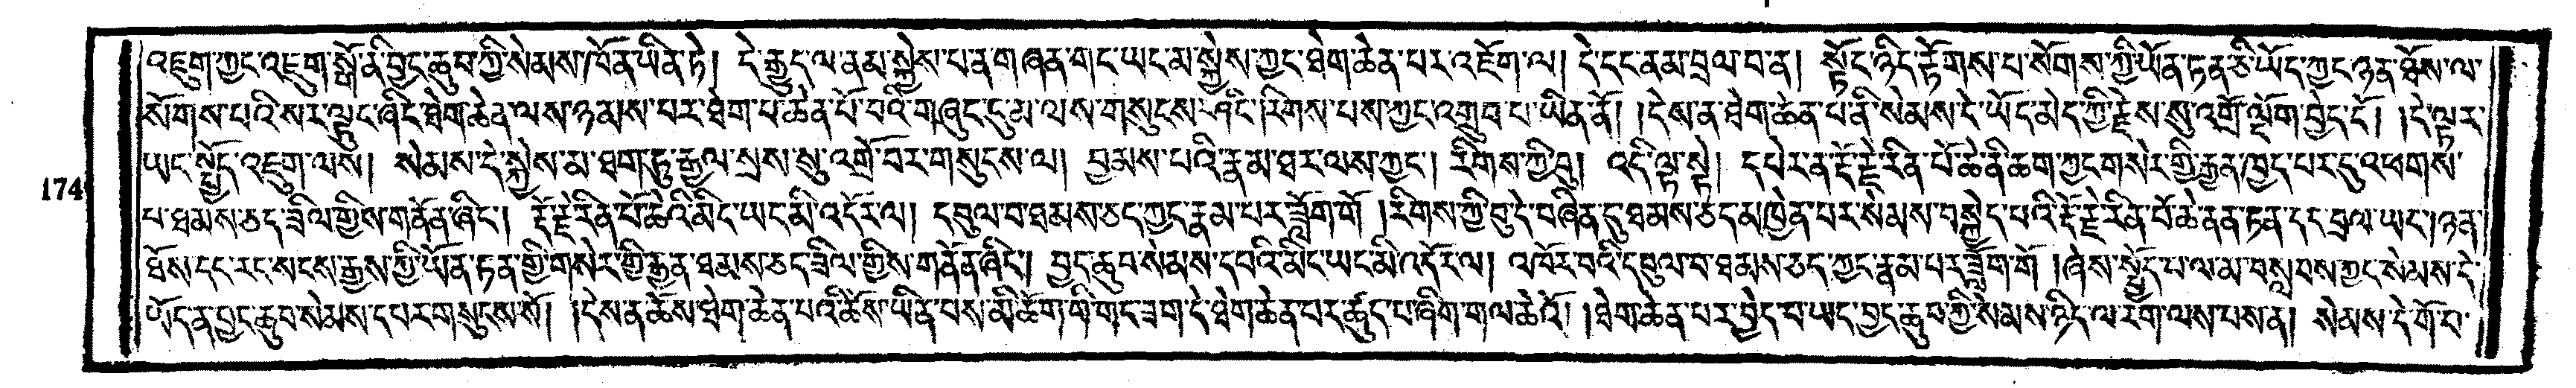འཇུག་ཀྱང་འཇུག་སྒོ་ནི་བྱང་ཆུབ་ཀྱི་སེམས་ཁོ་ན་ཡིན་ཏེ། དེ་རྒྱུད་ལ་ནམ་སྐྱེས་པ་ན་གཞན་གང་ཡང་མ་སྐྱེས་ཀྱང་ཐེག་ཆེན་པར་འཇོག་ལ། དེ་དང་ནམ་བྲལ་བ་ན། སྟོང་ཉིད་རྟོགས་པ་སོགས་ཀྱི་ཡོན་ཏན་ཅི་ཡོད་ཀྱང་ཉན་ཐོས་ལ་
སོགས་པའི་སར་ལྟུང་ཞིང་ཐེག་ཆེན་ལས་ཉམས་པར་ཐེག་པ་ཆེན་པོ་བའི་གཞུང་དུ་མ་ལས་གསུངས་ཤིང་། རིགས་པས་ཀྱང་འགྲུབ་པ་ཡིན་ནོ། །དེས་ན་ཐེག་ཆེན་པ་ནི་སེམས་དེ་ཡོད་མེད་ཀྱི་རྗེས་སུ་འགྲོ་ལྡོག་བྱེད་དོ། །དེ་ལྟར་
ཡང་སྤྱོད་འཇུག་ལས། སེམས་དེ་སྐྱེས་མ་ཐག་ཏུ་རྒྱལ་སྲས་སུ་འགྲོ་བར་གསུངས་ལ། བྱམས་པའི་རྣམ་ཐར་ལས་ཀྱང་། རིགས་ཀྱི་བུ། འདི་ལྟ་སྟེ། དཔེར་ན་རྡོ་རྗེ་རིན་པོ་ཆེ་ནི་ཆག་ཀྱང་གསེར་གྱི་རྒྱན་ཁྱད་པར་དུ་འཕགས་
པ་ཐམས་ཅད་ཟིལ་གྱིས་གནོན་ཞིང་། རྡོ་རྗེ་རིན་པོ་ཆེའི་མིང་ཡང་མི་འདོར་ལ། དབུལ་བ་ཐམས་ཅད་ཀྱང་རྣམ་པར་ཟློག་གོ །རིགས་ཀྱི་བུ་དེ་བཞིན་དུ་ཐམས་ཅད་མཁྱེན་པར་སེམས་བསྐྱེད་པའི་རྡོ་རྗེ་རིན་པོ་ཆེ་ནན་ཏན་དང་བྲལ་ཡང་། ཉན་
ཐོས་དང་རང་སངས་རྒྱས་ཀྱི་ཡོན་ཏན་གྱི་གསེར་གྱི་རྒྱ་ན་ཐམས་ཅད་ཟིལ་གྱིས་གནོན་ཞིང་། བྱང་ཆུབ་སེམས་དཔའི་མིང་ཡང་མི་འདོར་ལ། འཁོར་བའི་དབུལ་བ་ཐམས་ཅད་ཀྱང་རྣམ་པར་ཟློག་གོ །ཞེས་སྦྱོད་པ་ལ་མ་བསླབས་ཀྱང་སེམས་དེ་
ཡོད་ན་བྱང་ཆུབ་སེམས་དཔར་གསུངས་སོ། །དེས་ན་ཆོས་ཐེག་ཆེན་པའི་ཆོས་ཡིན་པས་མི་ཆོག་གི་གང་ཟག་དེ་ཐེག་ཆེན་པར་ཚུད་པ་ཞིག་གལ་ཆེའོ། །ཐེག་ཆེན་པར་བྱེད་པ་ཡང་བྱང་ཆུབ་ཀྱི་སེམས་ཉིད་ལ་རག་ལས་པས་ན། སེམས་དེ་གོ་བ་